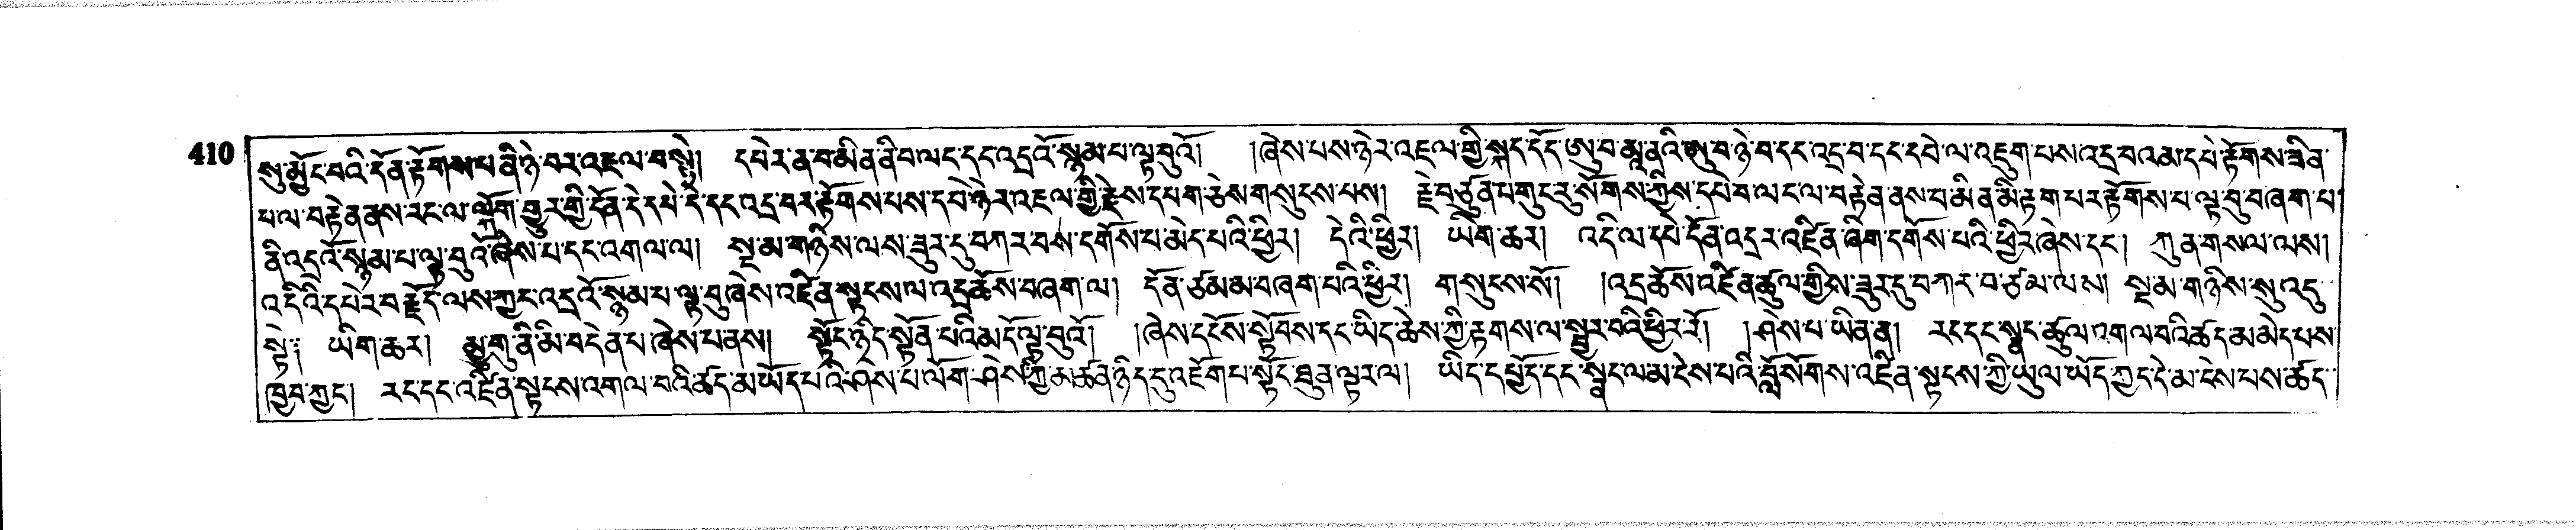སུ་མྱོང་བའི་དོན་རྟོགས་པ་ནི་ཉེ་བར་འཇལ་བ་སྟེ། དཔེར་ན་བ་མིན་ནི་བ་ལང་དང་འདྲའོ། སྙམ་པ་ལྟ་བུའོ། །ཞེས་པས་ཉེར་འཇལ་གྱི་སྐད་དོད་ཨུ་བ་མཱ་ནའི་ཨུ་བ་ཉེ་བ་དང་འདྲ་བ་དང་དཔེ་ལ་འཇུག་པས་འདྲ་བའམ་དཔེ་རྟོགས་ཟིན་
པ་ལ་བརྟེན་ནས་རང་ལ་ལྐོག་གྱུར་གྱི་དོན་དེ་དཔེ་དེ་དང་འདྲ་བར་རྟོགས་པས་དཔེ་ཉེར་འཇལ་གྱི་རྗེས་དཔག་ཅེས་གསུངས་པས། རྗེ་བཙུན་པ་གུང་རུ་སོགས་ཀྱིས་དཔེ་བ་ལང་ལ་བརྟེན་ནས་པ་མིན་མི་རྟག་པར་རྟོགས་པ་ལྟ་བུ་བཞག་པ་
ནི་འདྲའོ་སྙམ་པ་ལྟ་བུའོ་ཞེས་པ་དང་འགལ་ལ། སྔ་མ་གཉིས་ལས་ཟུར་དུ་བཀར་བས་དགོས་པ་མེད་པའི་ཕྱིར། དེའི་ཕྱིར། ཡིག་ཆར། འདི་ལ་དཔེ་དོན་འདྲར་འཛིན་ཞིག་དགོས་པའི་ཕྱིར་ཞེས་དང་། ཀུན་གསལ་ལས།
འདིའི་དཔེར་བྲོད་ལས་ཀྱང་འདྲའོ་སྙམ་པ་ལྟ་བུ་ཞེས་འཛིན་སྟངས་ལ་འདྲ་ཆོས་བཞག་ལ། དོན་ཙམ་མ་བཞག་པའི་ཕྱིར། གསུངས་སོ། །འདྲ་ཆོས་འཛིན་ཚུལ་གྱིས་ཟུར་དུ་བཀར་བ་ཙམ་ལས། སྔ་མ་གཉིས་སུ་འདུ་
སྟེ༑ ཡིག་ཆར། མྱུ་གུ་ནི་མི་བདེན་པ་ཞེས་པ་ནས། སྟོང་ཉིད་སྟོན་པའི་མདོ་ལྟ་བུའོ། །ཞེས་དངོས་སྟོབས་དང་ཡིད་ཆེས་ཀྱི་རྟགས་ལ་སྦྱར་བའི་ཕྱིར་རོ། །ཤེས་པ་ཡིན་ན། རང་དང་སྣང་ཚུལ་འགལ་བའི་ཚད་མ་མེད་པས་
ཁྱབ་ཀྱང་། རང་དང་འཛིན་སྟངས་འགལ་བའི་ཚད་མ་ཡོད་པའི་ཤེས་པ་ལོག་ཤེས་ཀྱི་མཚན་ཉིད་དུ་འཇོག་པ་སྟོང་ཐུན་ལྟར་ལ། ཡིད་དཔྱོད་དང་སྣང་ལ་མ་ངེས་པའི་བློ་སོགས་འཛིན་སྟངས་ཀྱི་ཡུལ་ཡོད་ཀྱང་དེ་མ་ངེས་པས་ཚད་